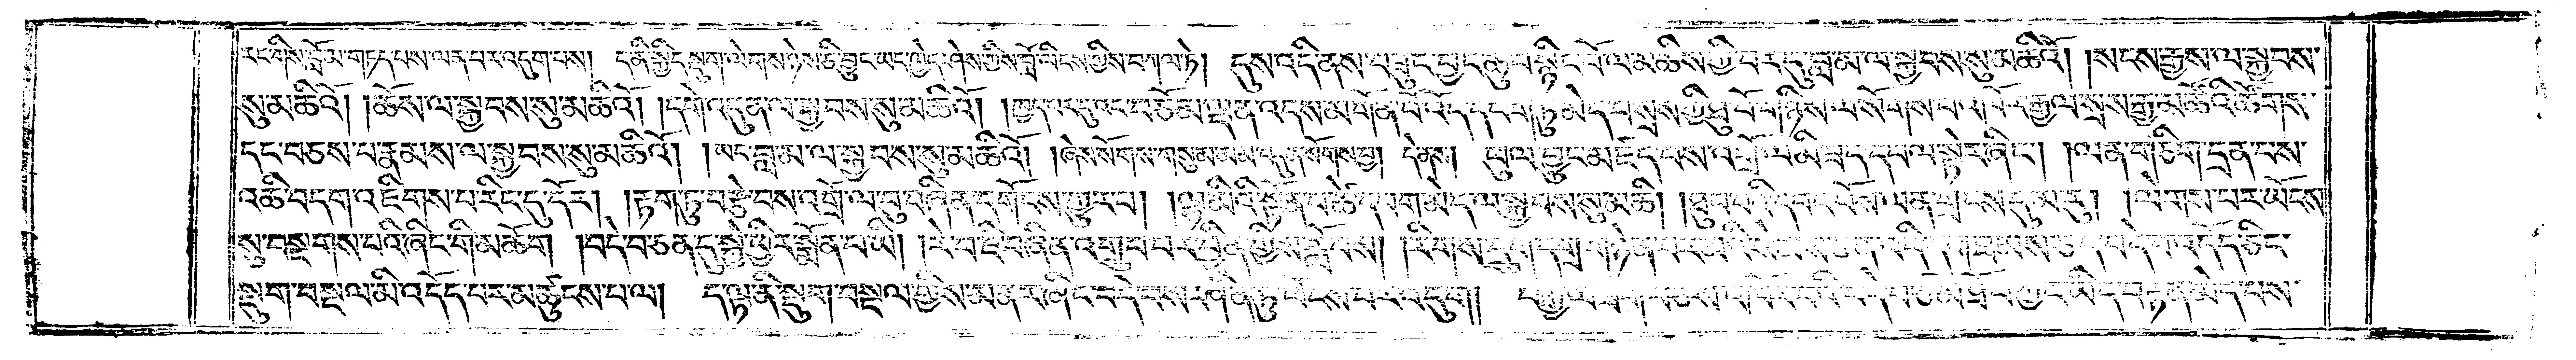རང་གིས་བློ་མ་གཏད་པས་ལེན་བར་འདུག་པས། ད་ནི་སྐྱིད་སྡུག་ལེགས་ཉེས་ཅི་བྱུང་ཡང་ཁྱེད་ཤེས་ཀྱིས་བློ་ལིངས་ཀྱིས་བཀལ་ཏེ།  དུས་འདི་ནས་བཟུང་བྱང་ཆུབ་སྙིང་པོ་ལ་མཆིས་ཀྱི་བར་དུ་བླ་མ་ལ་སྐྱབས་སུ་མཆིའོ། །སངས་རྒྱས་ལ་སྐྱབས་
སུ་མཆིའོ། །ཆོས་ལ་སྐྱབས་སུ་མཆིའོ། །དགེ་འདུན་ལ་སྐྱབས་སུ་མཆིའོ། །ཁྱད་བར་དུའང་བཅོམ་ལྡན་འདས་མགོན་པོ་འོད་དཔག་ཏུ་མེད་པ་སྲས་ཀྱི་ཐུ་བོ་གཉིས་ལ་སོགས་པ་འཁོར་རྒྱལ་སྲས་རྒྱ་མཚོའི་ཚོགས་
དང་བཅས་པ་རྣམས་ལ་སྐྱབས་སུ་མཆིའོ། །ཡང་བླ་མ་ལ་སྐྱབས་སུ་མཆིའོ། །ཞེས་སོགས་གསུམ་མམ་བདུན་སོགས་བྱ། དེ་ནས།  ཕུལ་བྱུང་མཛད་པས་འགྲོལ་མི་ཟད་དཔལ་སྟེར་ཞིང་། །ལན་གཅིག་དྲན་པས་
འཆི་བདག་འཇིགས་པ་རིང་དུ་དོར། །རྟག་ཏུ་བརྩེ་བས་འགྲོ་ལ་བུ་བཞིན་དགོངས་གྱུར་བ། །ལྷ་མིའི་སྟོན་པ་ཚེ་དཔག་མེད་ལ་སྐྱབས་སུ་མཆི། །ཐུབ་པའི་དབང་པོས་ལན་གྲངས་དུ་མ་རུ། །ལེགས་པར་ཡོངས་
སུ་བསྔགས་པའི་ཞིང་གི་མཆོག །བདེ་བ་ཅན་དུ་སྐྱེ་ཕྱིར་སྨོན་པ་ཡི། །རེ་བ་ཇི་བཞིན་འགྲུབ་པར་བྱིན་གྱིས་རློབས། །རིགས་དྲུག་དགྲ་གཉེན་བར་མའི་སེམས་ཅན་འདི་དག་ཐམས་ཅད་བདེ་བ་འདོད་ཅིང་
སྡུག་བསྔལ་མི་འདོད་བར་མཚུངས་པ་ལ། ད་ལྟ་ནི་སྡུག་བསྔལ་གྱིས་མནར་ཞིང་བདེ་བས་ཤིན་ཏུ་ཕོངས་པར་འདུག། བརྒྱ་ལ་ཟག་བཅས་འཁོར་བའི་བདེ་བ་ཙམ་ཐོབ་ཀྱང་ཡིད་བརྟན་མེད་པས་